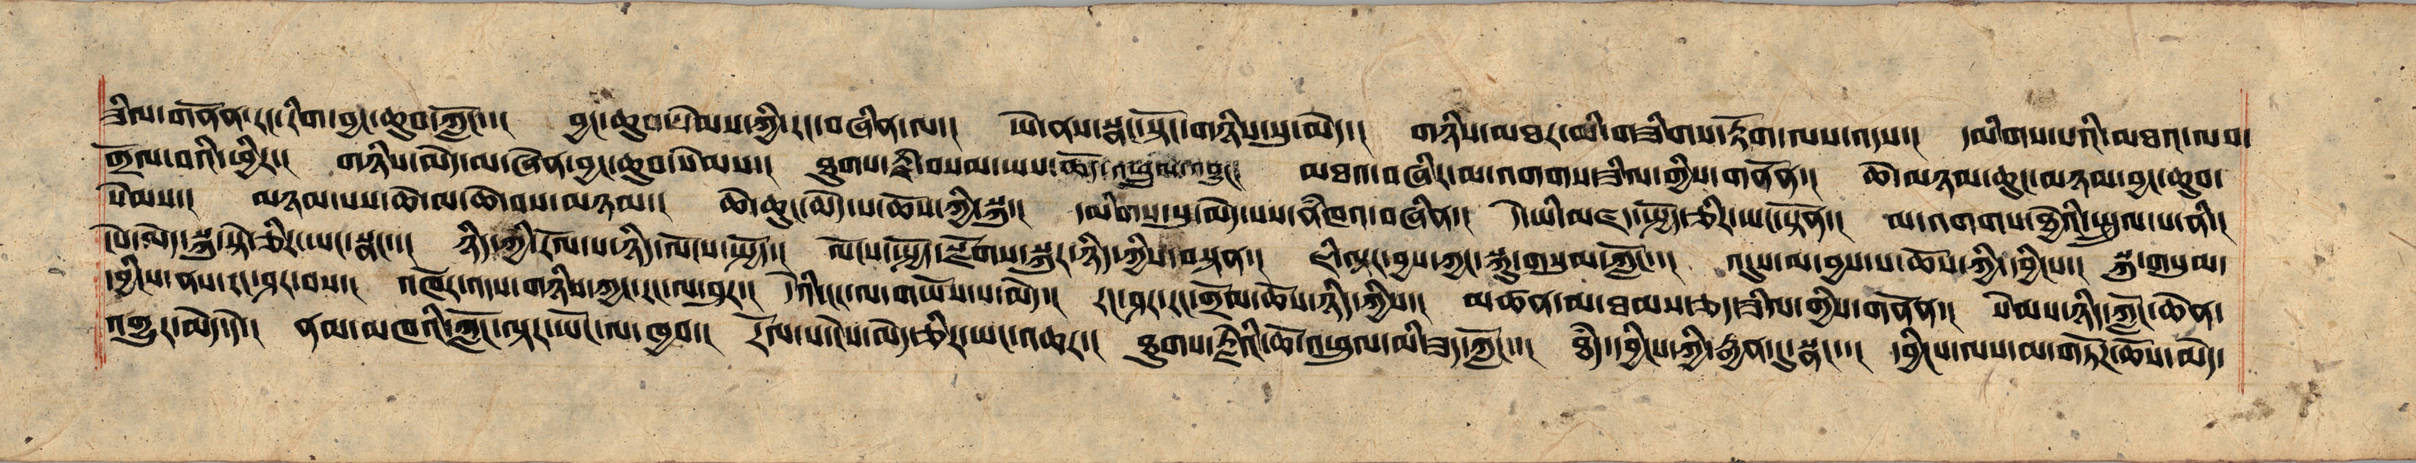ཟིལ་གནོན་རང་རིག་བྱང་ཆུབ་ཀློང་་། བྱང་ཆུབ་སེམས་ཀྱི་རང་བཞིན་ལ་། ཡེ་ནས་སྣང་སྟོང་གཉིས་སུ་མེད་། གཉིས་མཐར་མི་གཟིགས་རྟོག་ལས་འདས་། དམིགས་པའི་མཐའ་ལས་
གྲོལ་བའི་ཕྱིར་། གཉིས་མེད་མ་ཞེན་བྱང་ཆུབ་སེམས་། ཐུགས་རྗེ་བསམ་ཡས་ཆོད་འཕྲུལ་འབྱུང་། མཐའ་བཞིར་མ་འགགས་ཟིལ་གྱིས་གནོན་། ཆེ་མཉམ་ཆུང་མཉམ་བྱང་ཆུབ་
སེམས་། མཉམ་པས་ཆེ་ལ་ཆེ་བས་མཉམ་། ཆེ་ཆུང་མེད་པ་ཆོས་ཀྱི་སྐུ་། དམིགས་སུ་མེད་པས་ནཾཁའ་བཞིན་། དེ་ཡི་མཛད་སྤྱོད་ཅིར་ཡང་སྟོན་། མ་འགགས་ཐྱེའི་སྤྲུལ་པ་ནི་།
ངེས་མེད་སྐུ་སྟེ་ཅིར་ཡང་སྣང་་། ཉིད་ཀྱི་རོལ་པ་ཉིད་ལོངས་སྤྱོད་། ལོངས་སྤྱོད་སྫོགས་སྐུར་ཉིད་ཀྱིས་བསྟན་། ཇི་ལྟར་བྱས་ཀྱང་སྐུ་གསུམ་ཀློང་་། འདུས་མ་བྱས་པ་ཆོས་ཀྱི་དབྱིངས་། སྐུ་གསུམ་
དབྱིངས་ནས་རང་ཤར་བས་། འཁོར་འདས་གཉིས་ཀྱང་རང་ལ་ཤར་། དེའི་ངང་ལ་གཡོས་པ་མེད་། རང་ཤར་རང་གྲོལ་ཆོས་ཉིད་ཀྱིས་། མཚན་མ་ཐམས་ཅད་ཟིལ་གྱིས་གནོན་། སེམས་ཉིད་ཀློང་ཆེན་
འགྱུར་མེད་དེ་། ནམ་མཁའི་ཀློང་ལྟར་ཡོང་ལ་ཁྱབ་། རོལ་པ་ངེས་མེད་ཅིར་ཡང་འཆར་། ཐུགས་རྗེའི་ཆོ་འཕྲུལ་མི་ཟད་ཀློང་་། ཐཾད་དབྱིངས་ཀྱི་རྒྱན་དུ་སྣང་་། དབྱིངས་ལས་མ་གཏོཌ་ཆོས་མེད་